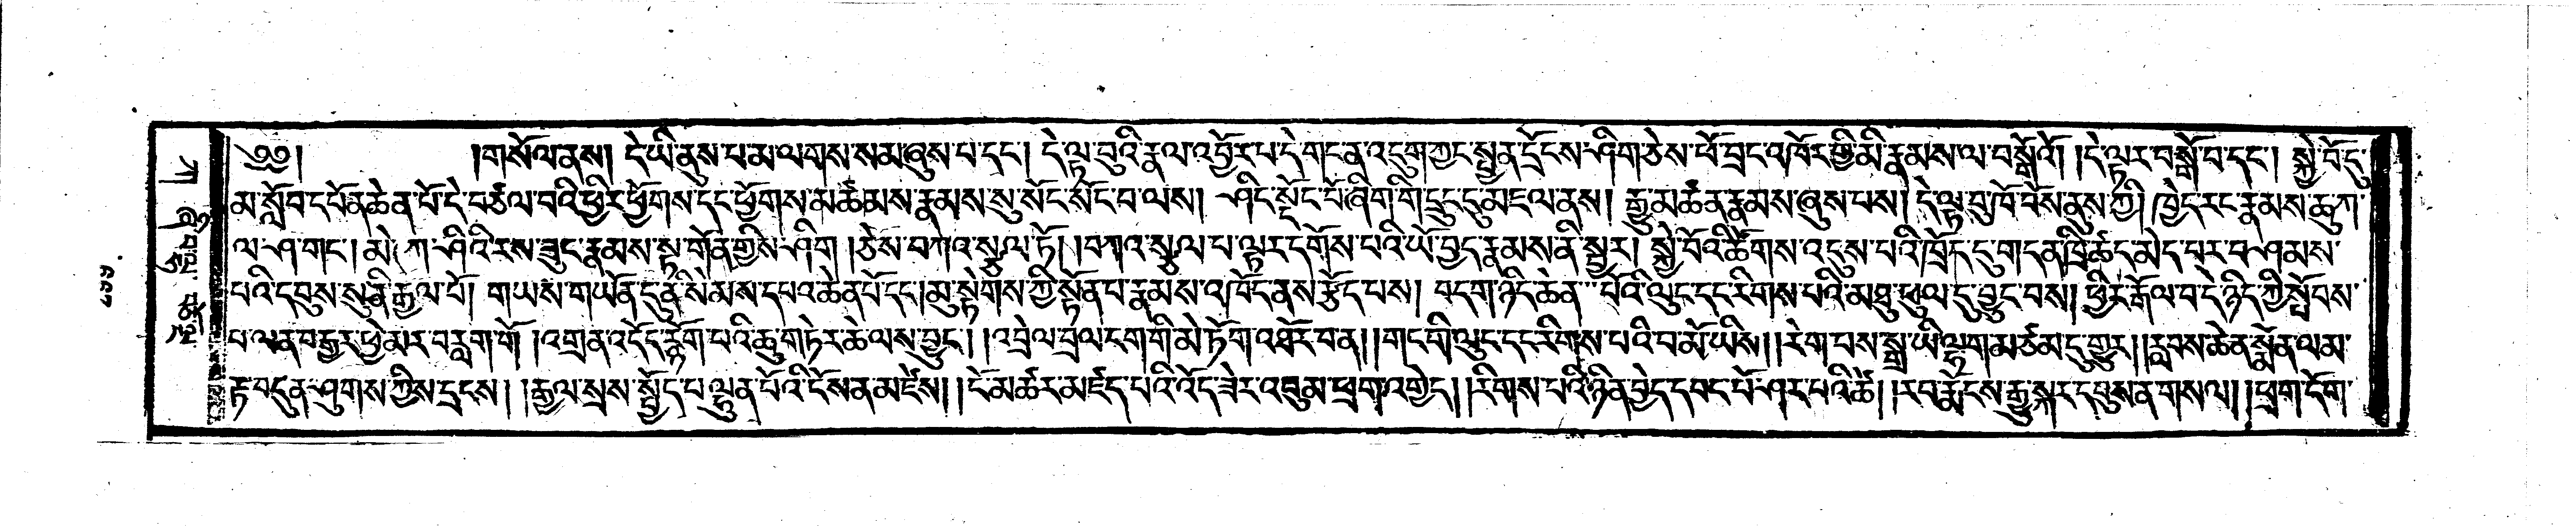༄༅། །གསོལ་ནས། དེ་ཡི་ནུས་པ་མ་ལགས་སམ་ཞུས་པ་དང་། དེ་ལྟ་བུའི་རྣལ་འབྱོར་པ་དེ་གང་ན་འདུག་ཀྱང་སྤྱན་དྲོངས་ཤིག་ཅེས་ཕོ་བྲང་འཁོར་གྱི་མི་རྣམས་ལ་བསྒོའོ། །དེ་ལྟར་བསྒོ་བ་དང་། སྐྱེ་བོ་དུ་
མ་སློབ་དཔོན་ཆེན་པོ་དེ་བཙལ་བའི་ཕྱིར་ཕྱོགས་དང་ཕྱོགས་མཚམས་རྣམས་སུ་སོང་སོང་བ་ལས། ཤིང་སྡོང་པོ་ཞིག་གི་དྲུང་དུ་མཇལ་ནས། རྒྱུ་མཚན་རྣམས་ཞུས་པས། དེ་ལྟ་བུ་ཁོ་བོས་ནུས་ཀྱི། ཁྱེད་རང་རྣམས་ཆུ་ཀ་
ལ་ཤ་གང་། མེ། ཀ་ཤིའི་རས་ཟུང་རྣམས་སྟ་གོན་གྱིས་ཤིག །ཅེས་བཀའ་སྩལ་ཏོ། །བཀའ་སྩལ་པ་ལྟར་དགོས་པའི་ཡོ་བྱད་རྣམས་ནི་སྦྱར། སྐྱེ་བོའི་ཚོགས་འདུས་པའི་ཁྲོད་དུ་གདན་ཁྲི་ཚད་མེད་པར་བཤམས་
པའི་དབུས་སུ་ནི་རྒྱལ་པོ། གཡས་གཡོན་དུ་ནི་སེམས་དཔའ་ཆེན་པོ་དང་། མུ་སྟེགས་ཀྱི་སྟོན་པ་རྣམས་འཁོད་ནས་རྩོད་པས། བདག་ཉིད་ཆེན་པོའི་ལུང་དང་རིགས་པའི་མཐུ་ཕུལ་དུ་བྱུང་བས། ཕྱིར་རྒོལ་བ་དེ་ཉིད་ཀྱི་སྤོབས་
པ་ལན་བརྒྱར་ཕྱེ་མར་བརླག་གོ །འགྲན་འདོད་རྙོག་པའི་ཆུ་གཏེར་ཆེ་ལས་བྱུང་། །འབྲེལ་བྲལ་ངག་གི་མེ་ཏོག་འཐོར་བ་ན། །གང་གི་ལུང་དང་རིགས་པའི་བ་མོ་ཡིས། །རེག་པས་སྒྲ་ཡི་ལྷག་མ་ཙམ་དུ་གྱུར། །རླབས་ཆེན་སྨོན་ལམ་
རྟ་བདུན་ཤུགས་ཀྱིས་དྲངས། །རྒྱལ་སྲས་སྤྱོད་པ་ལྷུན་པོའི་ངོས་ན་མཛེས། །ངོ་མཚར་མཛད་པའི་འོད་ཟེར་འབུམ་ཕྲག་འགྱེད། །རིགས་པའི་ཉིན་བྱེད་དབང་པོ་ཤར་བའི་ཚེ། །རབ་རྨོངས་རྒྱུ་སྐར་དབུས་ན་གསལ། །ཕྲག་དོག་